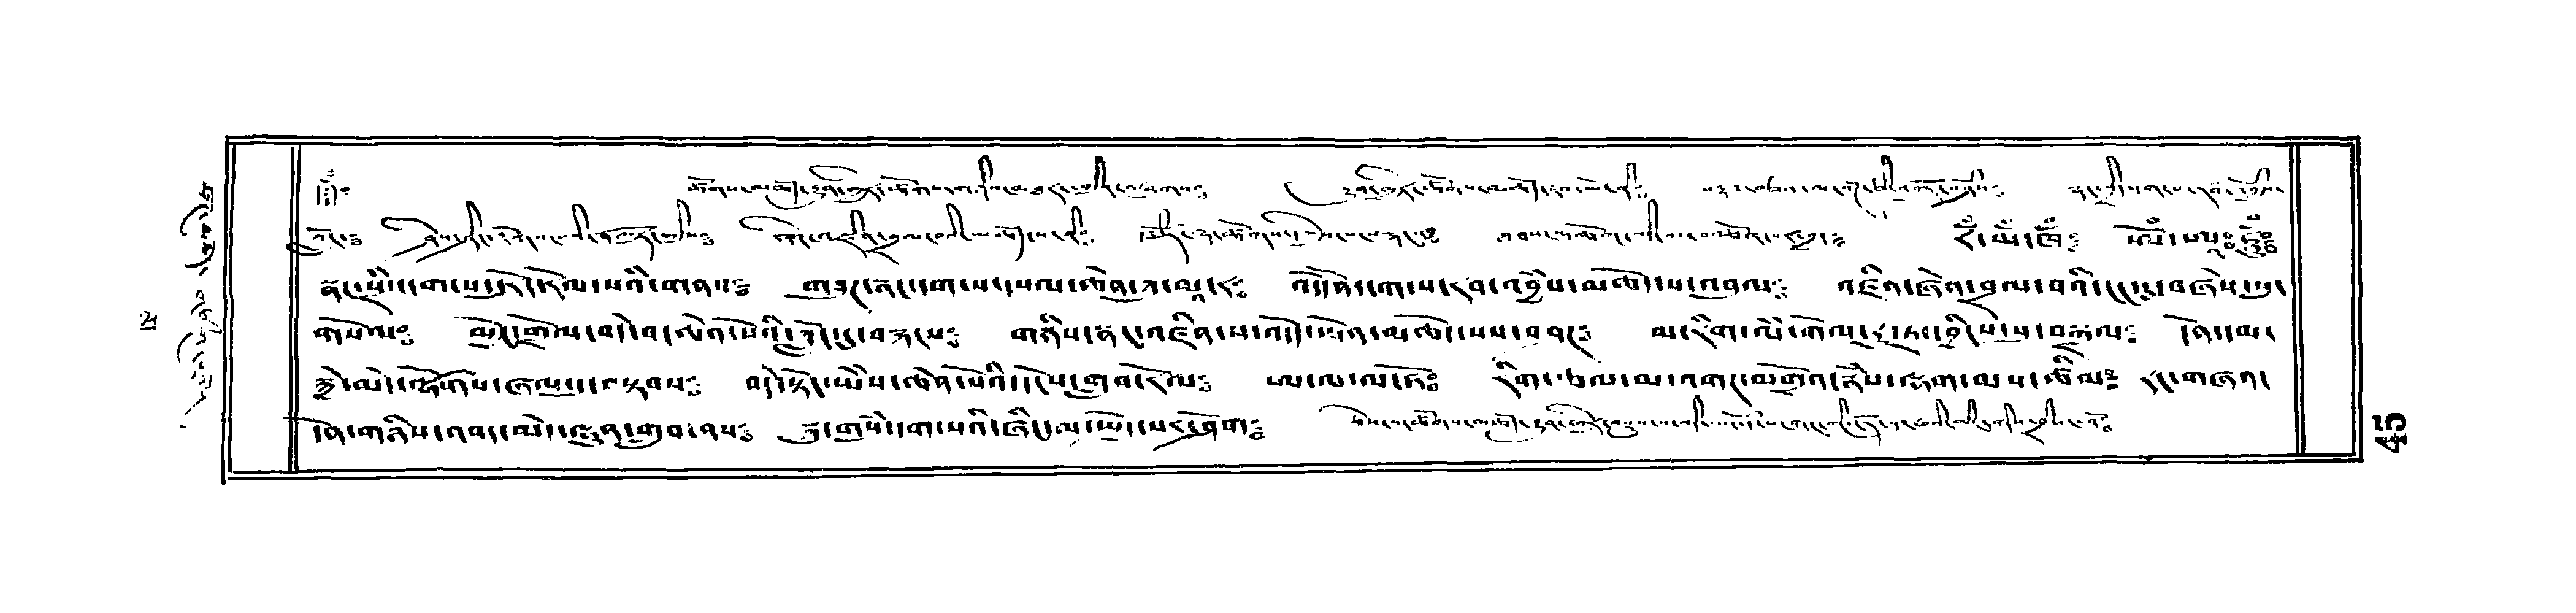ཚོགས་མཆོད་རྒྱུན་གྱེར་ཚོགས་གཉིས་མཐར་ཕྱིན་བཞུགས༔ རྒྱུན་ཁྱེར་ཚོགས་མཆོད་ཟབ་མོ་ནི༔ བཟའ་བཅའ་ལ་སོགས་ཅི་འབྱོར་བཤམས༔ སྣང་སྲིད་དག་པ་རབ་འབྱམས་
ཀློང༔ ཤེས་ཤིང་རྟོགས་པའི་རྣལ་འབྱོར་གྱིས༔ བདེན་འཛིན་བྲལ་བའི་མཆོད་པ་ནི༔ དཀྱིལ་འཁོར་ལྷ་ཚོགས་དགྱེས་པ་བསྐང༔ ཐབས་མཆོག་འདི་ལ་བརྩོན་པར་བྱ༔ རྃ་ཡྃ་ཁྃ༔ ཨོཾ་ཨཱཿཧཱུྃ༔ 
སྣང་སྲིད་དག་པ་དུར་ཁྲོད་རོལ་པའི་གནས༔ གཟུགས་སྣང་དག་པ་དཔལ་ཆེན་ཀུ་མཱ་ར༔འདོད་ཡོན་དག་པ་རབ་འབྱམས་མཆོད་པ་འབུལ༔ འཛིན་ཞེན་བྲལ་བའི་ངང་དུ་བཞེས་སུ་
གསོལཿ མྱོང་གྲོལ་བདེ་བ་ཆེན་པོའི་ཀློང་དུ་བསྐངས༔ གཉིས་སྣང་འཛིན་པ་འདོད་ཡོན་མཆོད་པས་བཤགས༔ མ་རིག་ལམ་གོལ་རུ་ཏྲ་དབྱིངས་སུ་བསྒྲལ༔ དོན་དམ་
སྐྱེ་མེད་ལྷ་ཚོགས་ཞལ་དུ་བསྟབ༔ བདེ་སྟོང་ཡེ་ཤེས་ཆེན་པོའི་དངོས་གྲུབ་རོལ༔ ཨ་ལ་ལ་ཧོཿ རིག་རྩལ་མ་འགགས་མགྲོན་རྣམས་ལྷག་མས་ཚིམ༔ རང་གཞན་
དོན་གཉིས་འབད་མེད་ལྷུན་གྲུབ་ནས༔ སྐུ་གསུམ་དག་པའི་ཞིང་ལ་སྤྱོད་པར་ཤོག༔ ཅེས་པ་ཚོགས་མཆོད་རྒྱུན་ཁྱེར་བསྡུས་པ་འདི་ཡང་དམ་པ་གང་གི་ངོར་སུ་ཁའི་མིང་གིས་བྲིས་པའོ།།